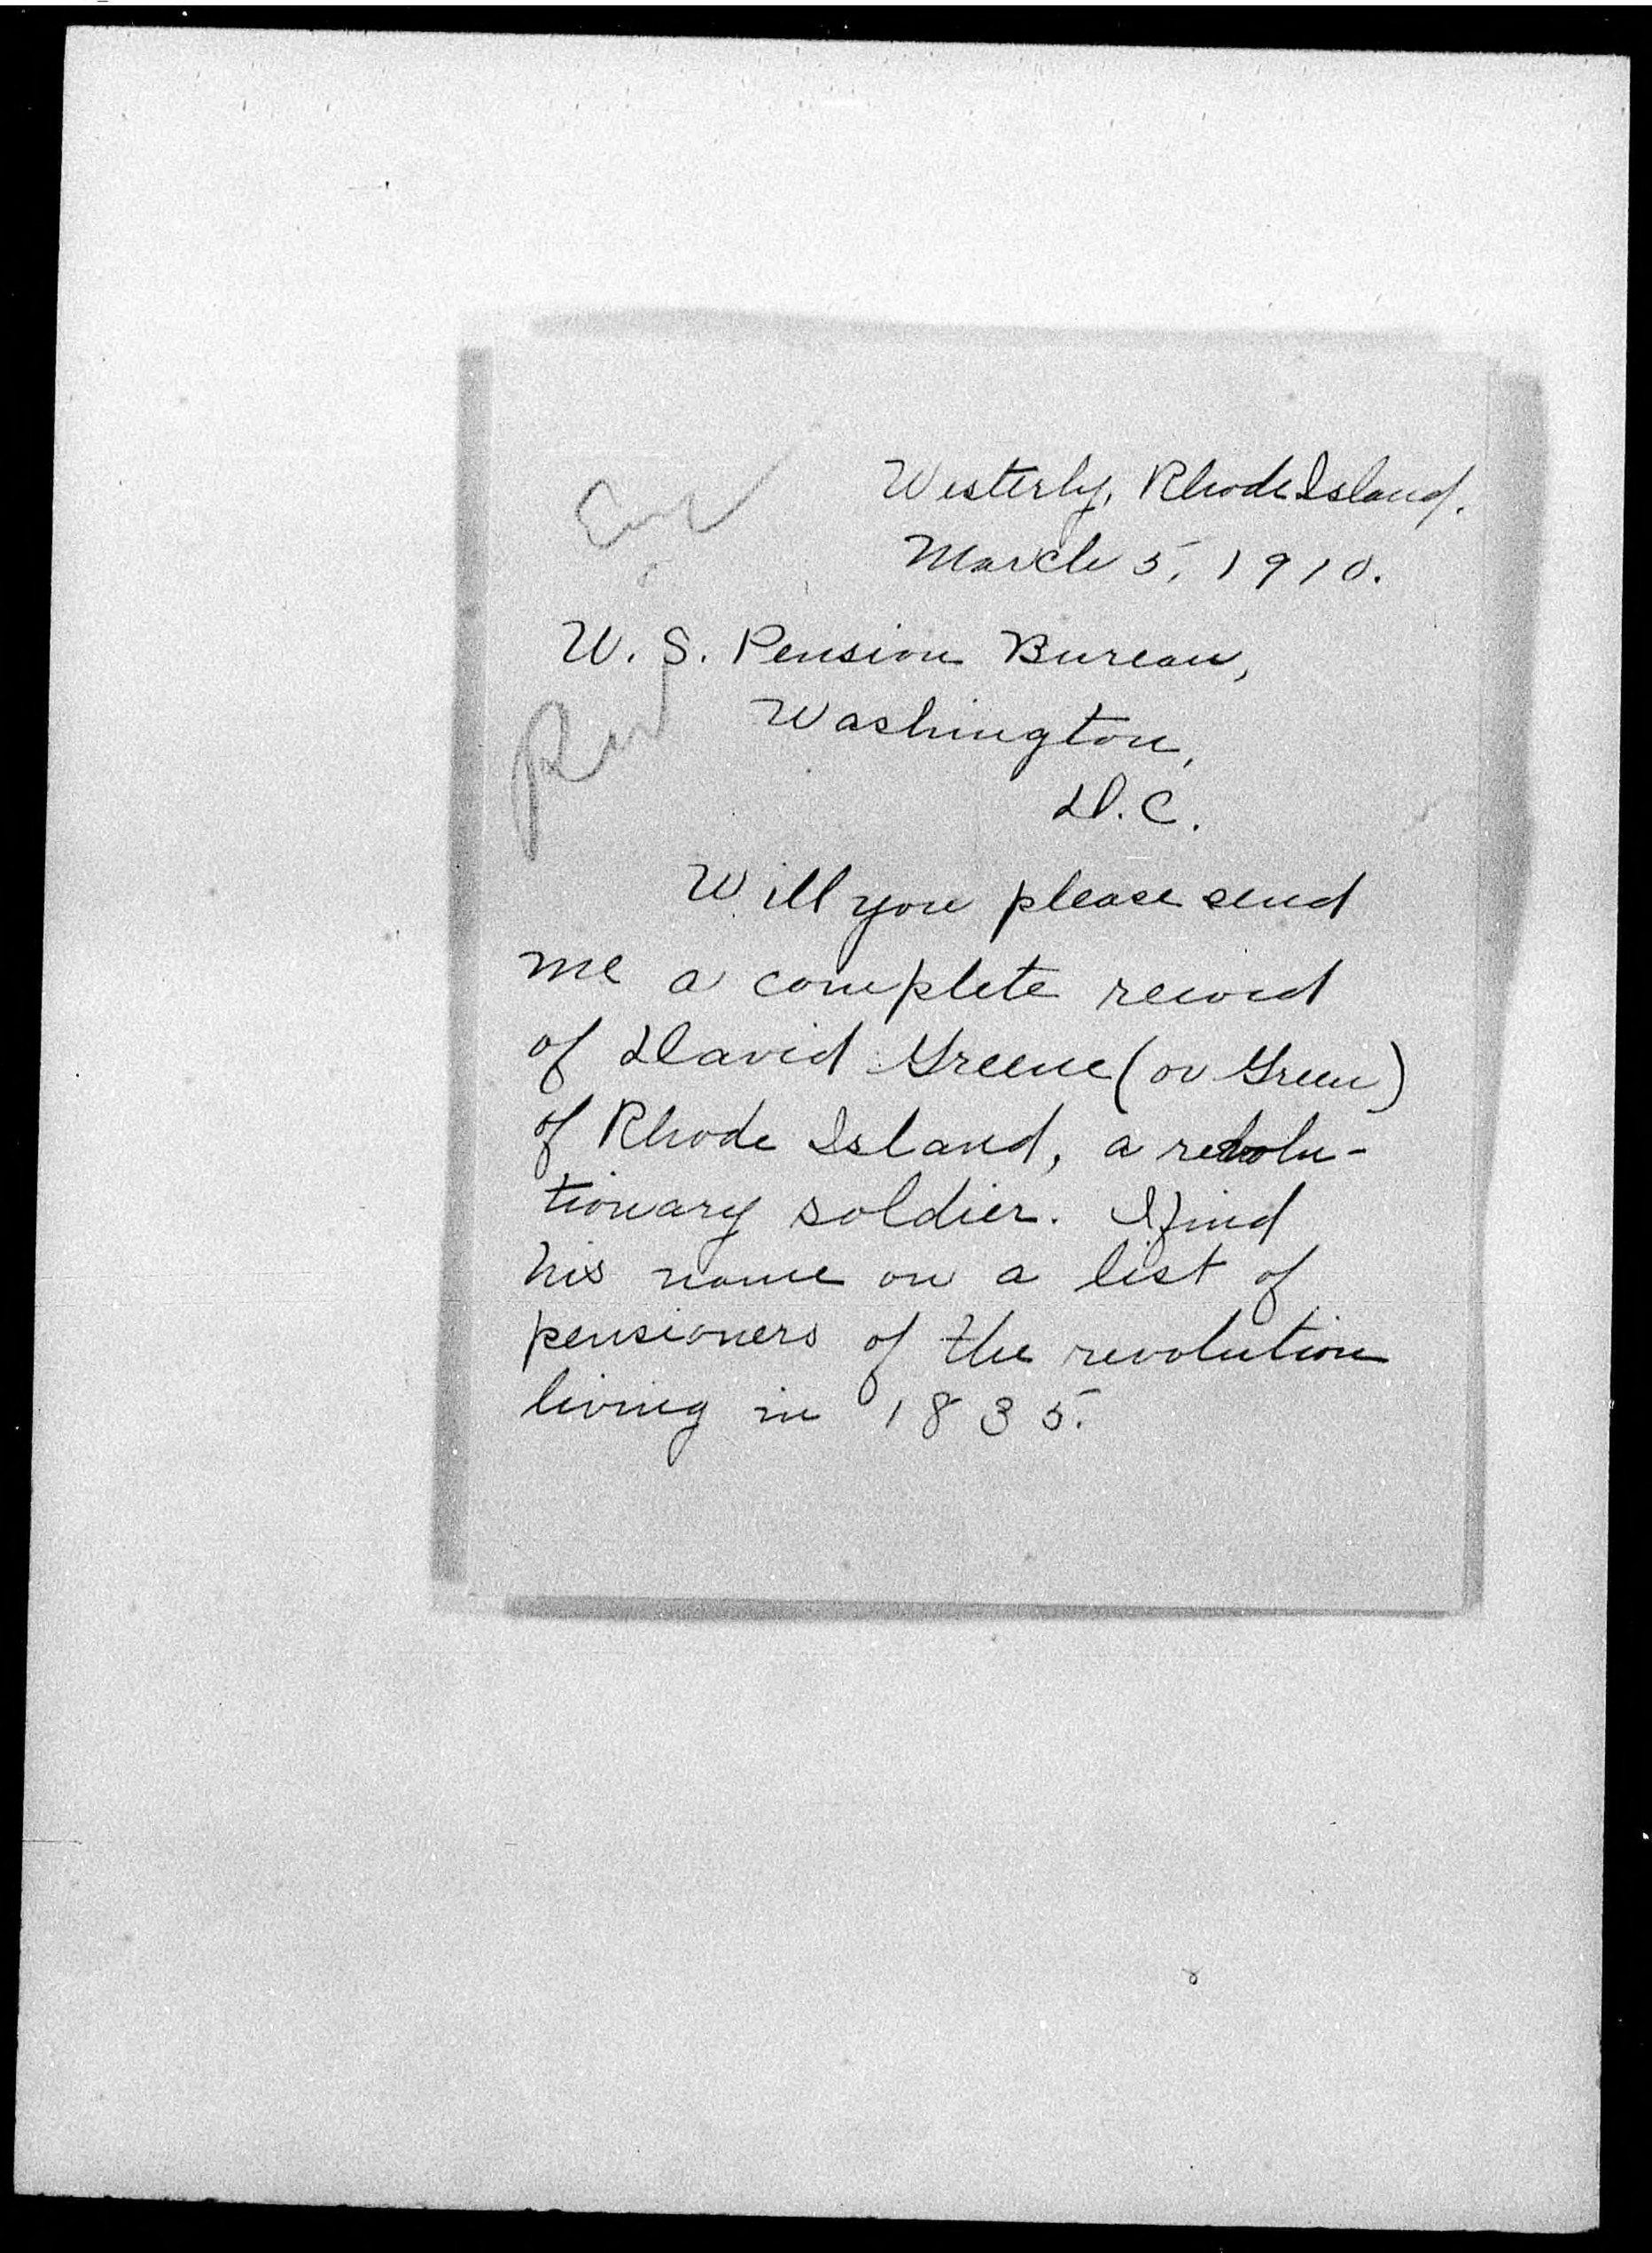Westerly, Rhode Island
March 5, 1910
U.S. Pension Bureau,
Washington
D.C.
Will you please send mea a complete record of David Green (or Green) of Rhode Island, a revolutionary soldier.  I find his name on a list of pensioners of the revolution living in 1835.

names: David Green, David Greene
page: 18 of 27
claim: survivor's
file: S. 21,245, David Greene, R.I.